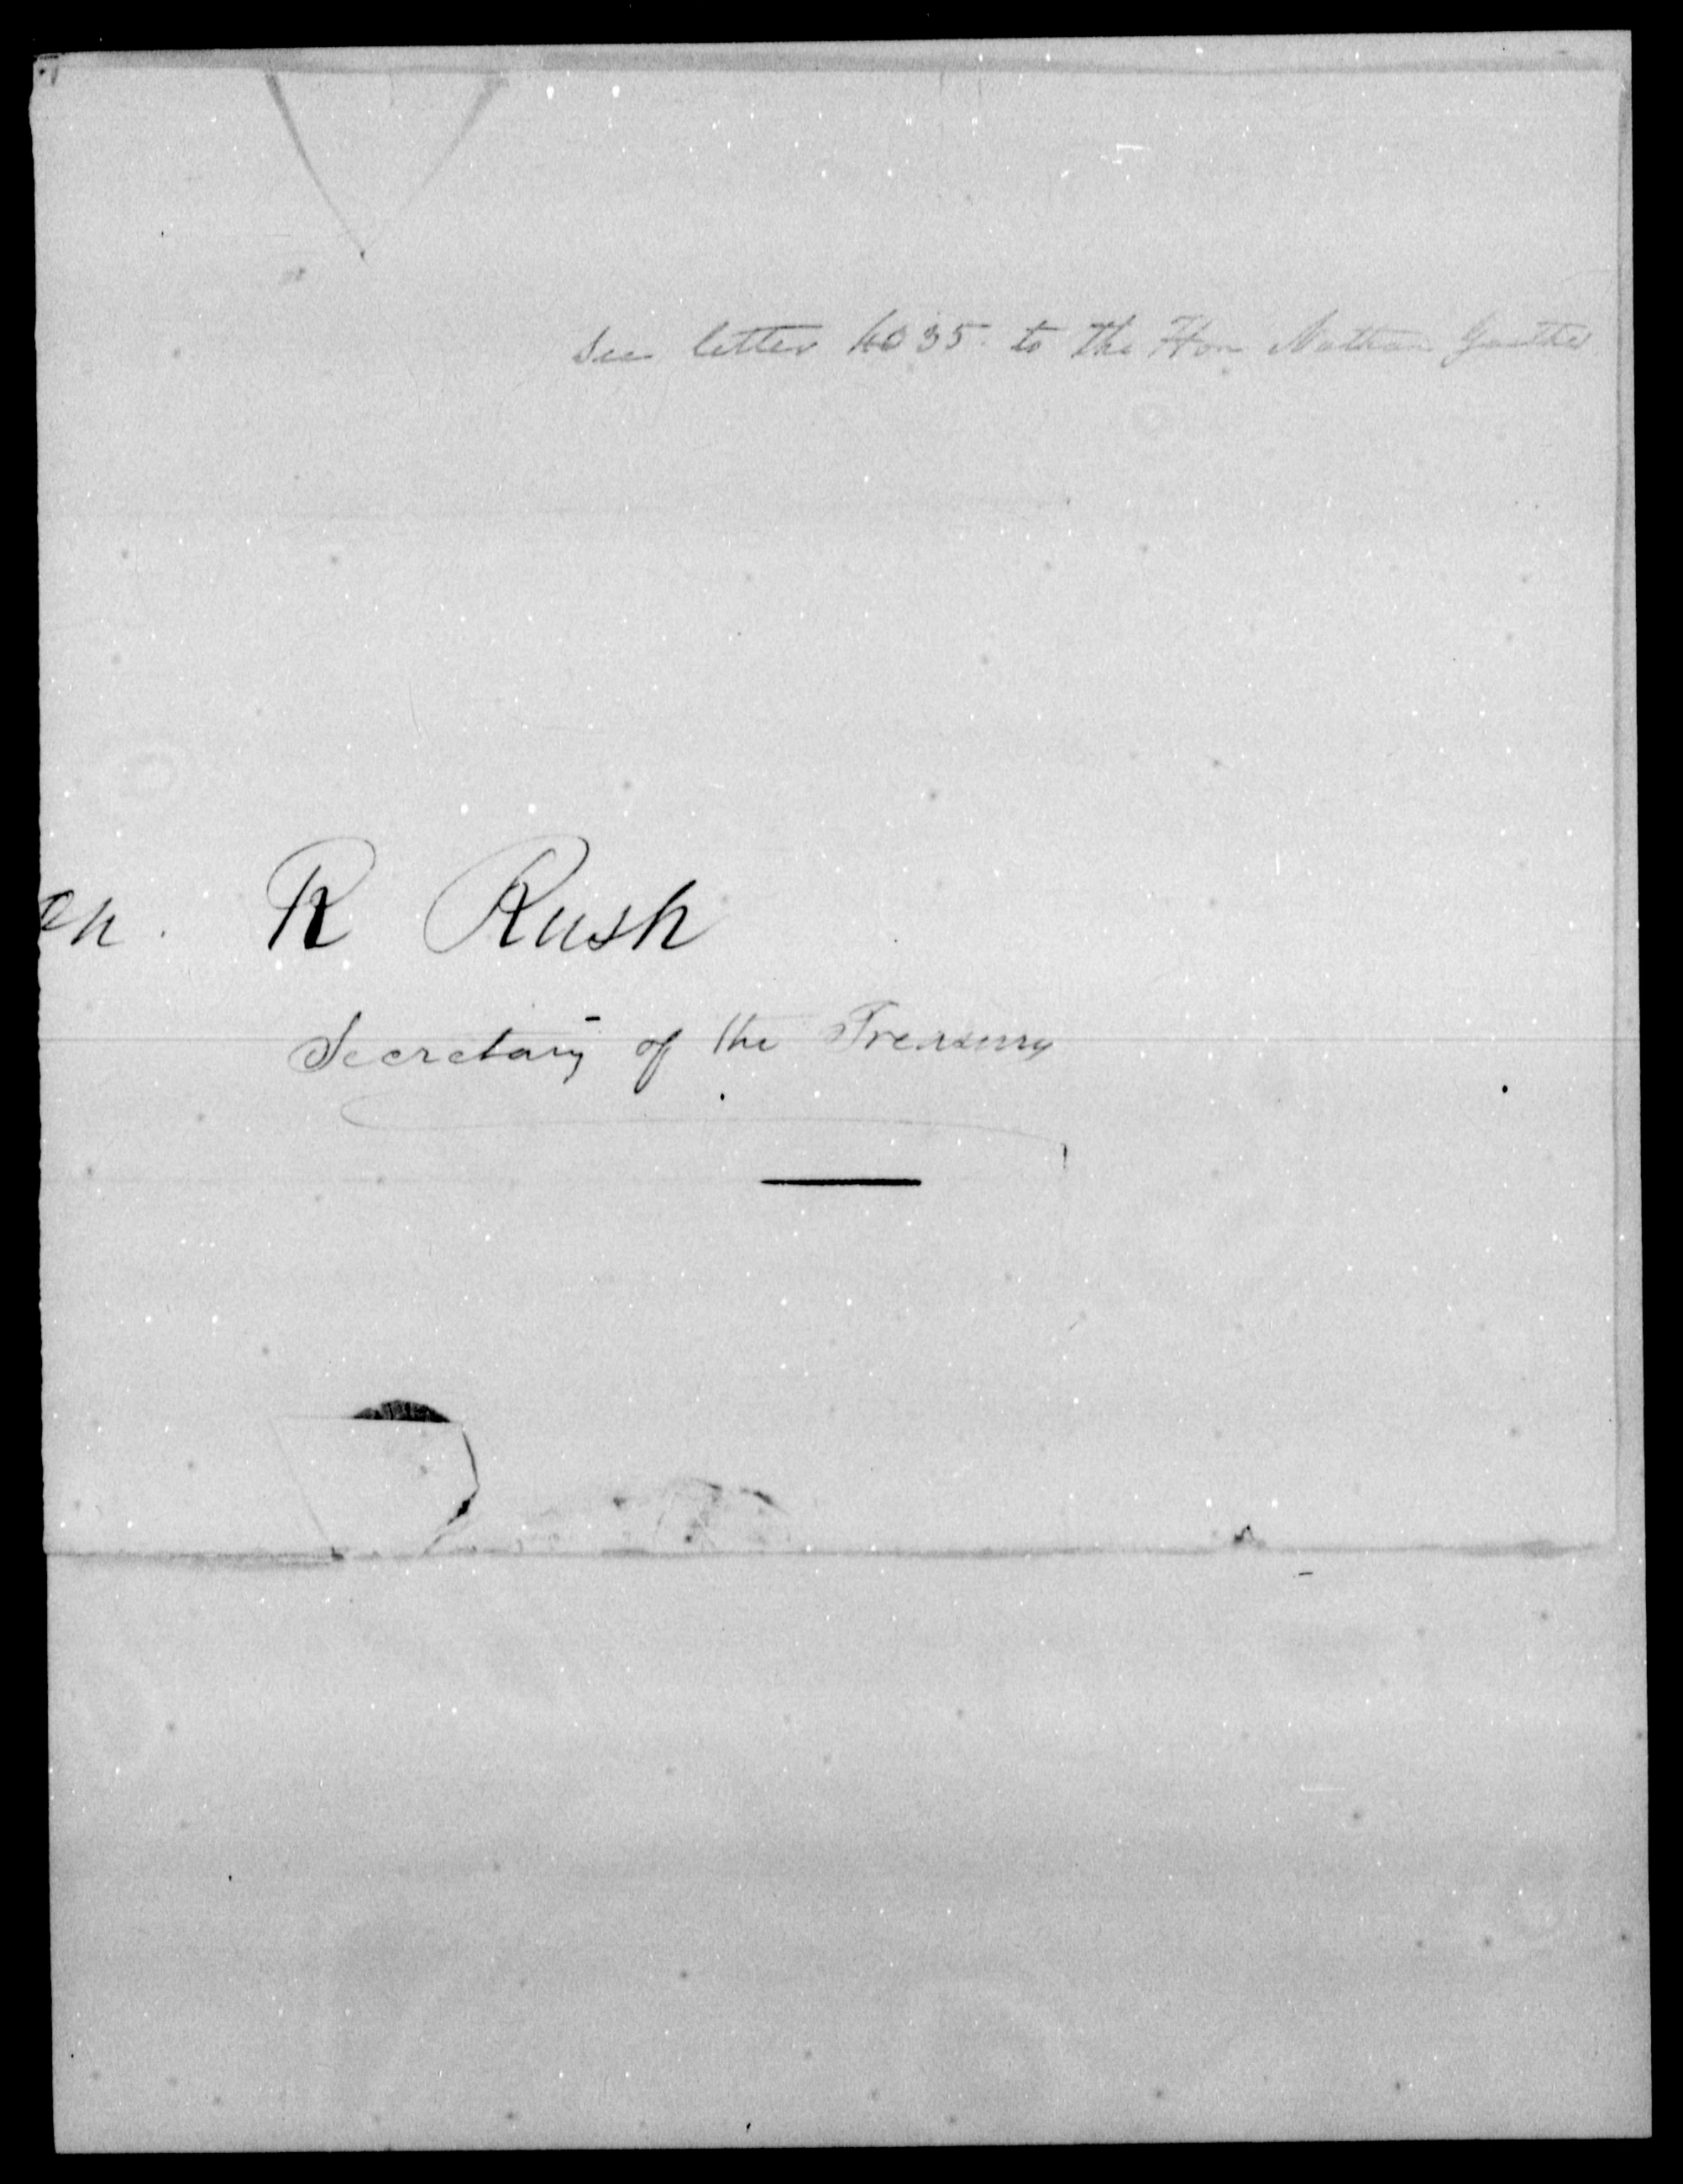See letter 4035 to the Hon Nathan Ganther
R Rush
Secretary of the Treasury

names: R Rush; Nathan Ganther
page: 55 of 57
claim: widow's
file: W. 9,622, for Aaron Redman, Virginia